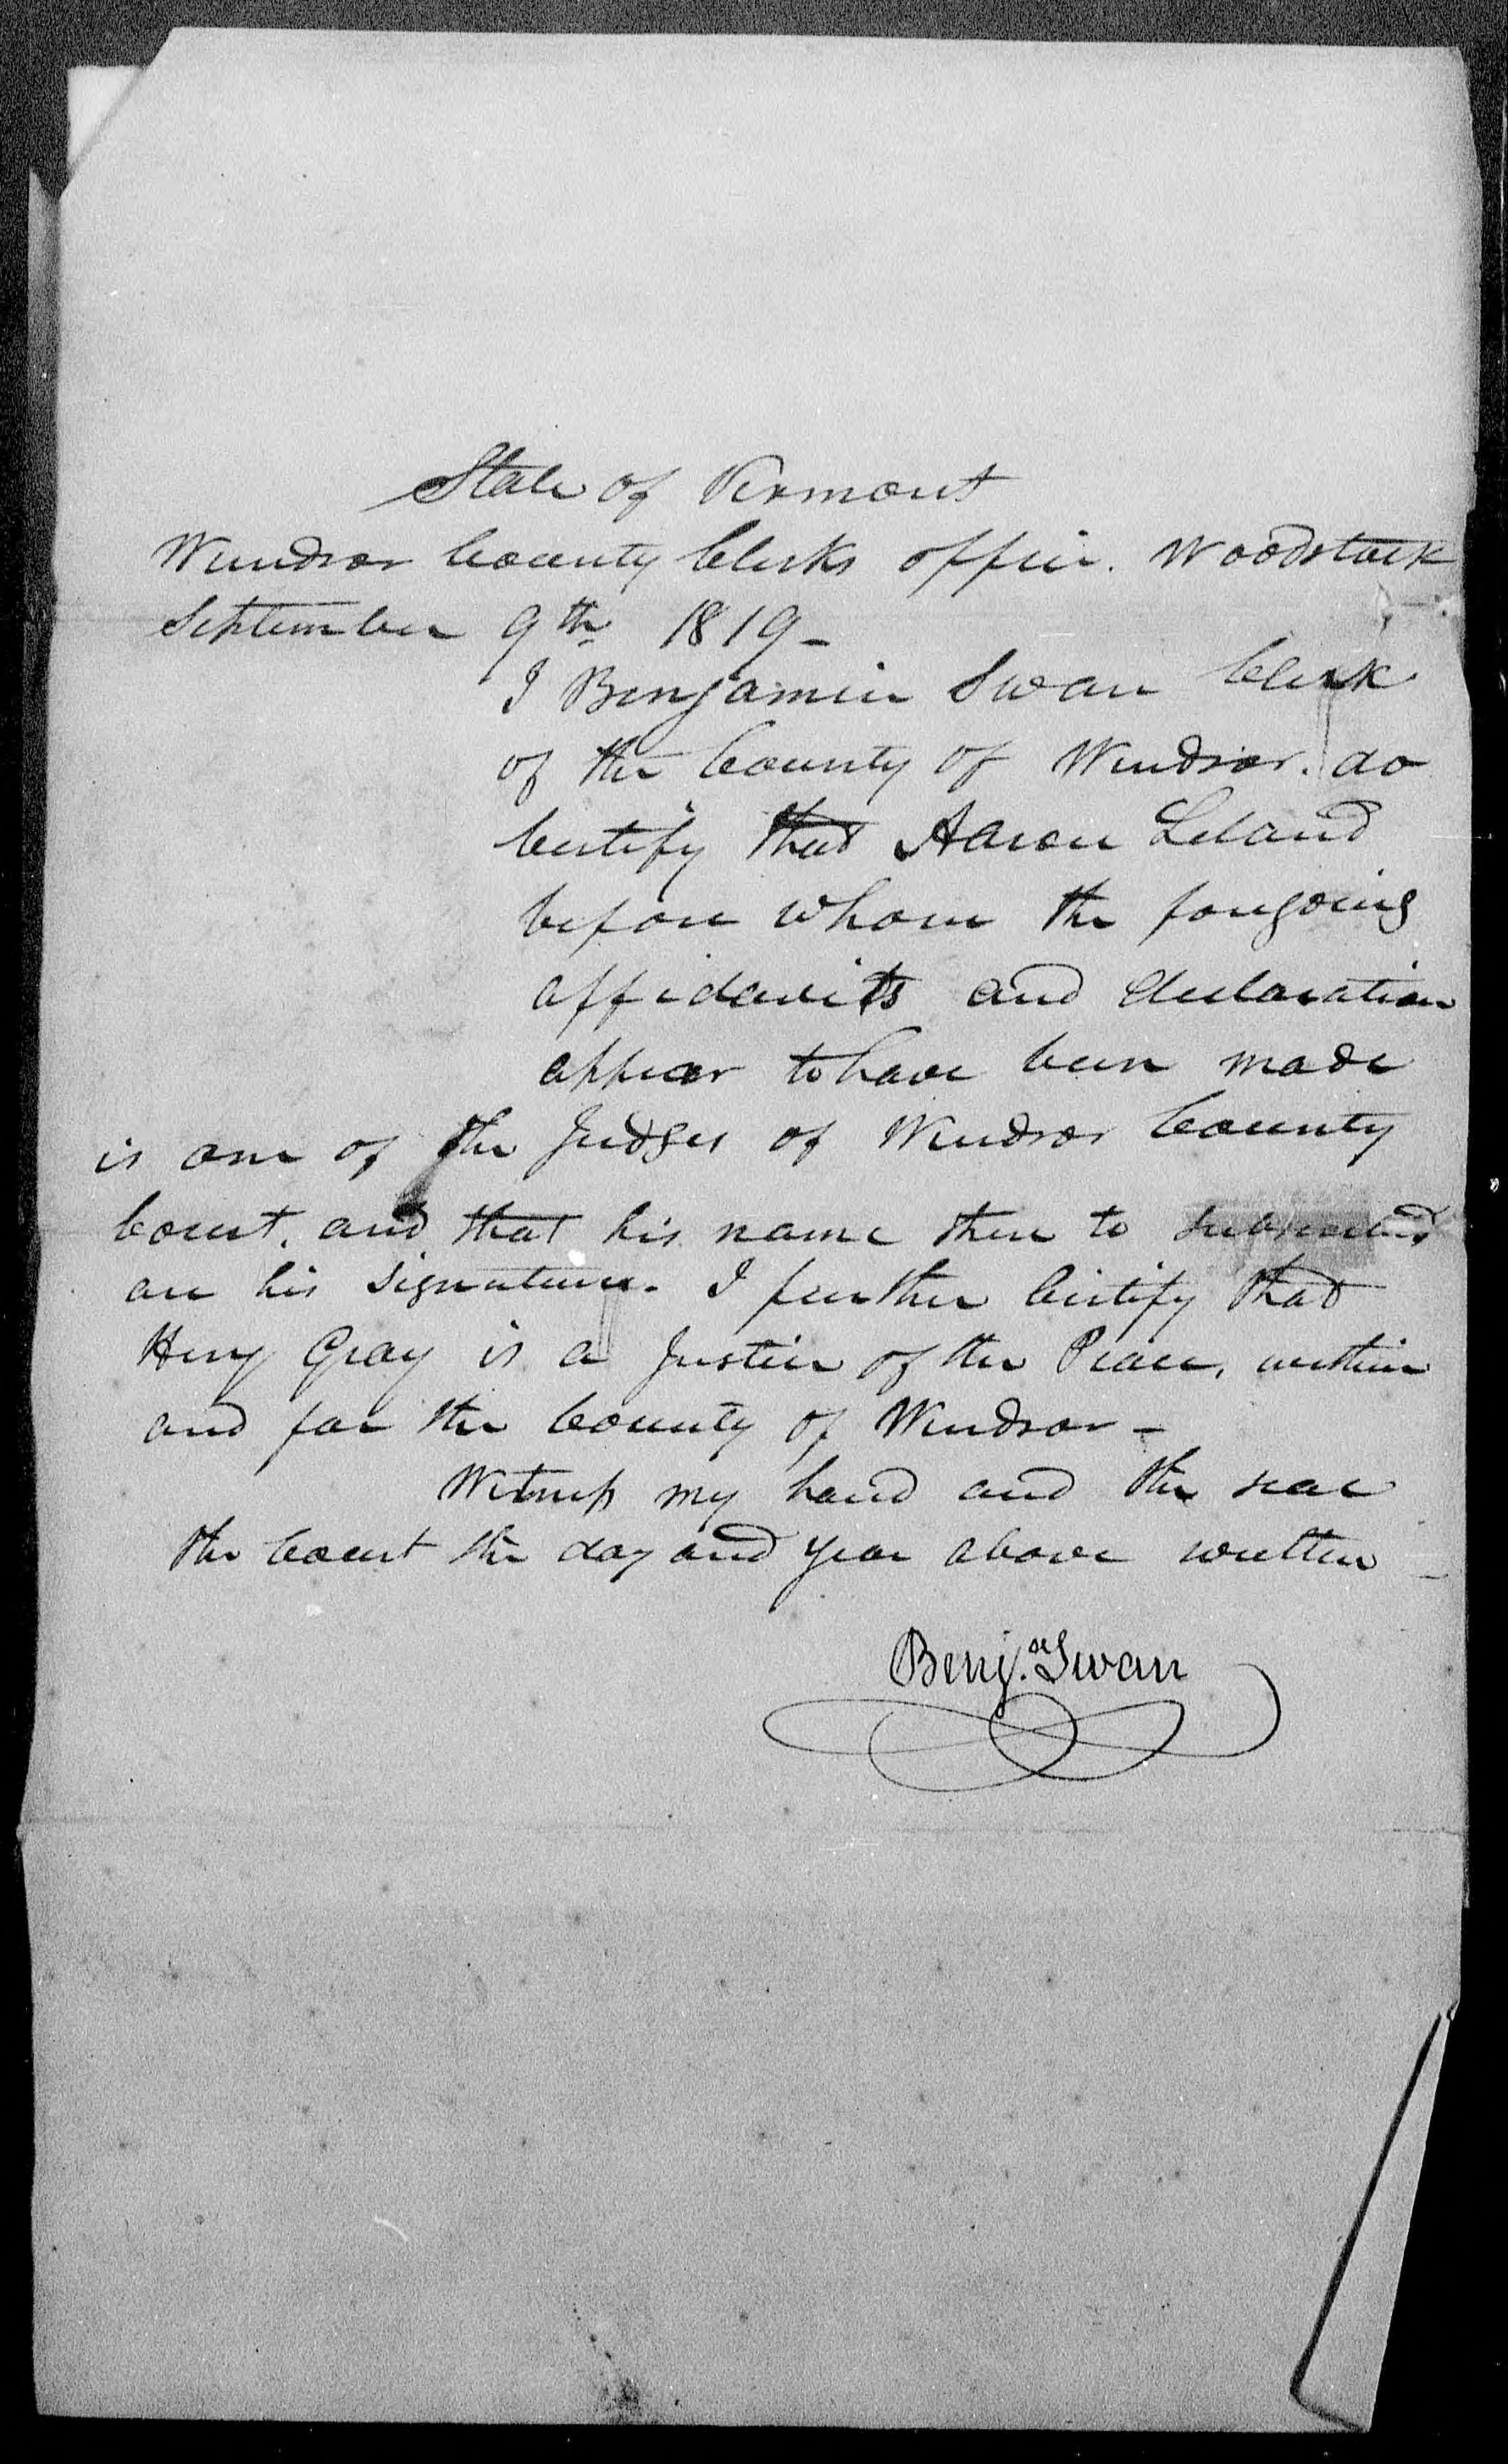State of Vermont
Windsor County Clerk's Office Woodstock
September 9th, 1819

I Benjamin Swan clerk of the county of Windsor do certify that Aaron Leland before whom the foregoing affidavit and declaration appears to have been made is one of the judges of Windsor county Court and that his name there to subscribed are his signature. I further certify that Hery Gray is a Justice of the Peace within and for the county of Windsor.

Witness my hand and the seal the court the day and year above written.

Benj Swan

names: Aaron Leland, Benjamin Swan, Hery Gray, Beja Swan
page: 8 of 18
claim: survivor's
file: S. 40773, David Burton, N.H.